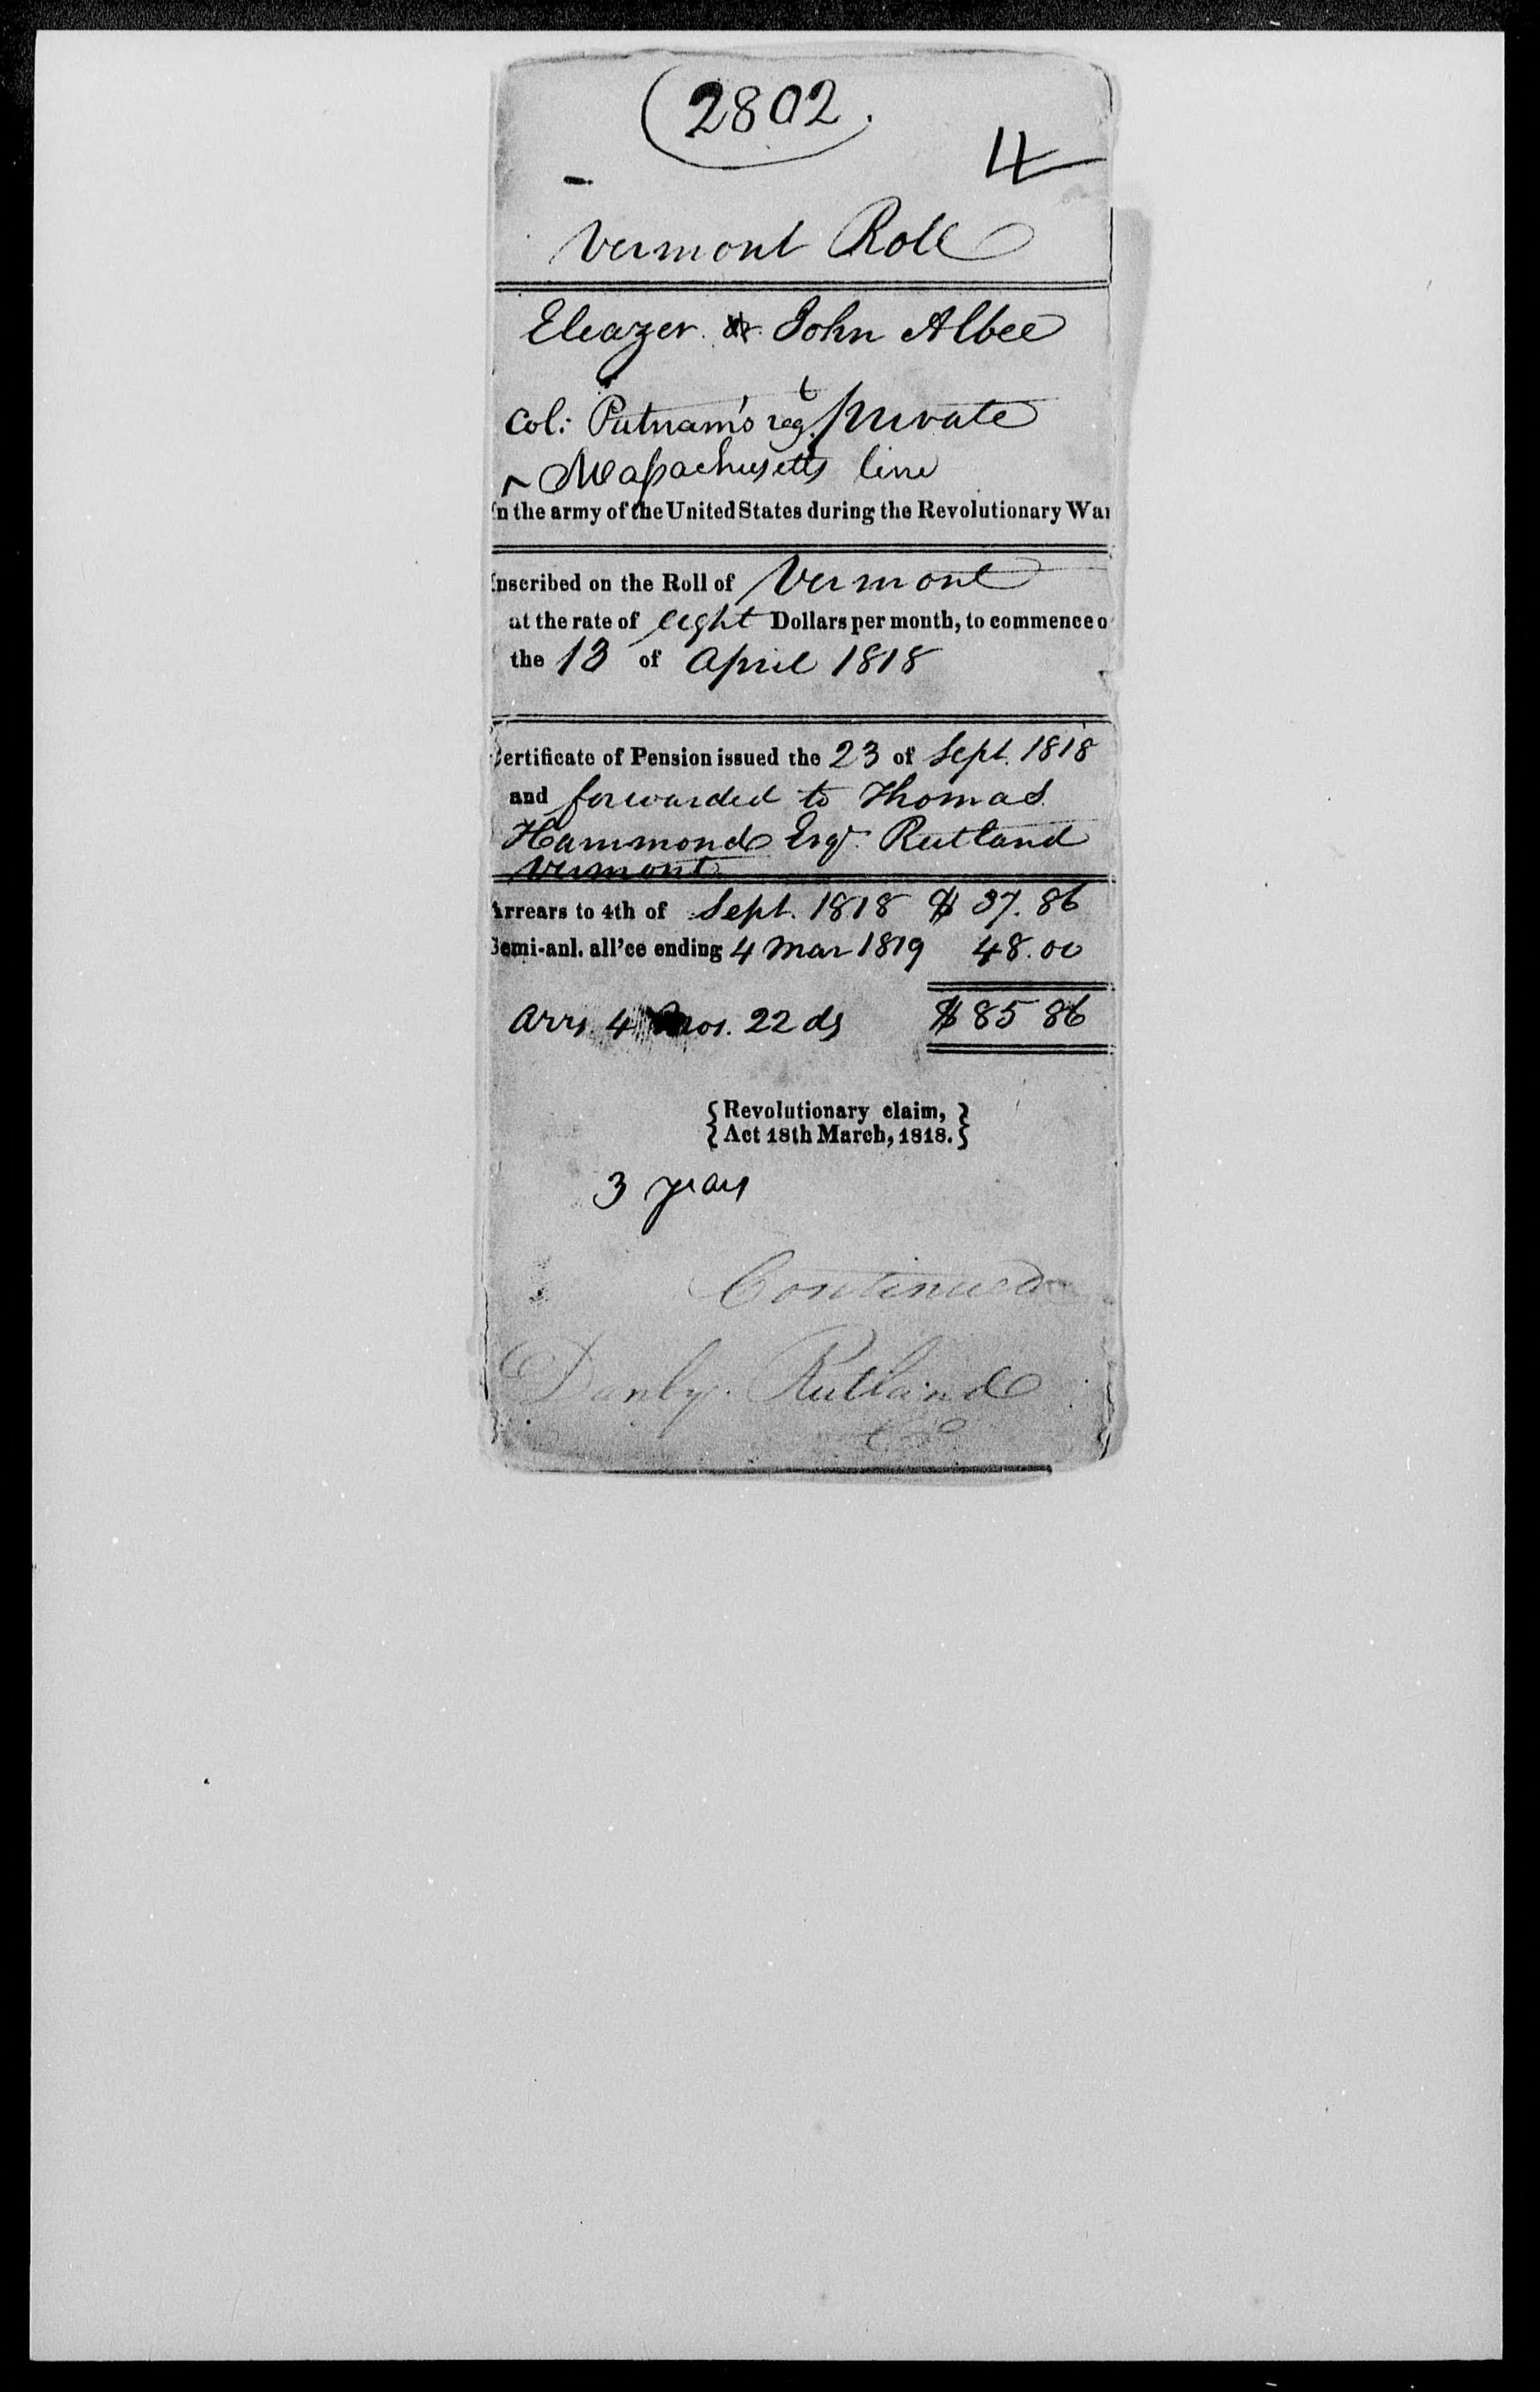2802

4 

Vermont Roll
Eleazer John Albee 
Col. Putnam's regt private 
Massachusetts line 
in the army of the United States during the Revolutionary War 

Inscribed on the roll of Vermont at the rate 
of eight Dollars per month, to commence
the 13th of  April 1818 

Certificate of Pension issued the 23 of Sept. 1818 forwarded to Thomas Hammond Esq Rutland Vermont

Arrears to the 4th of Sept. 1818 $37. 86 
Semi-anl. all'ce ending 4 Mar 1819 48.00 . 
=======
Arrs 4 mos 22d $85.86
======= 

{Revolutionary claim, Act 18th March, 1818.} 

3 years 
Continued 
Danby Rutland Co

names: Thomas Hammond, Eleazer John Albee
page: 3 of 29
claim: survivor's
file: S 41404, Eleazer John Albee, Mass. Privateer